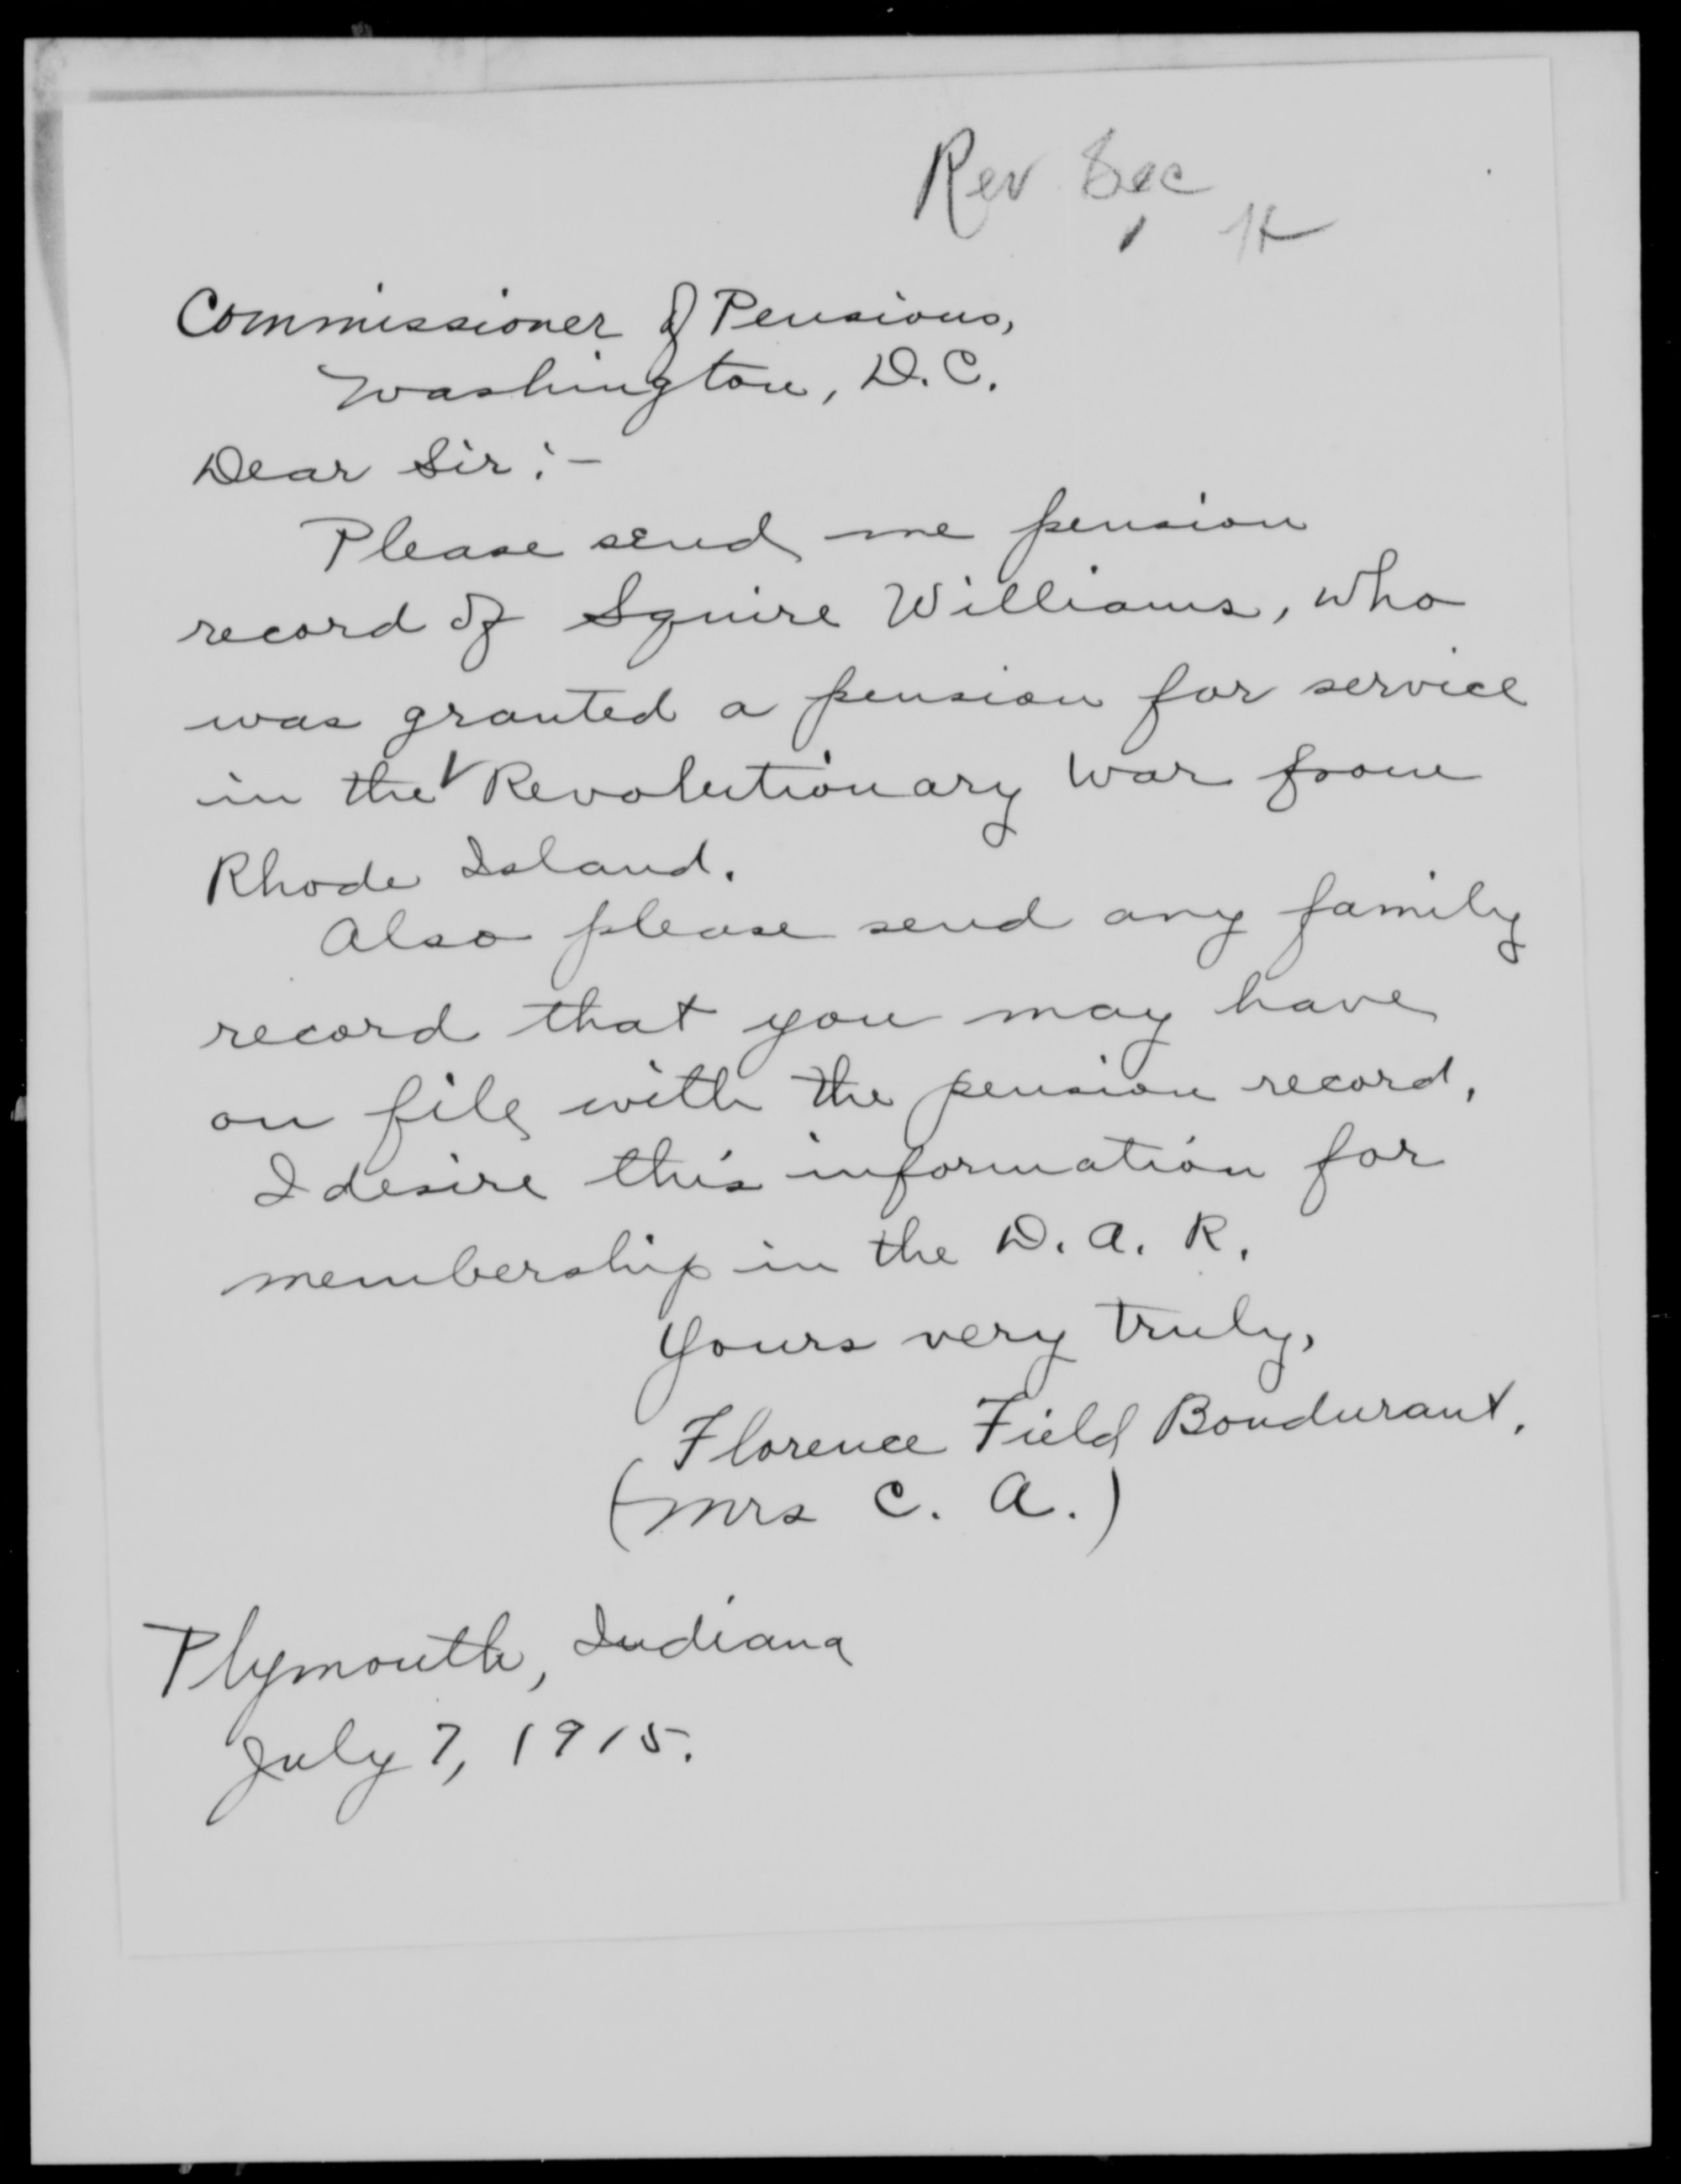Rev Sec

Commissioner of Pensions,
Washington, D.C.

Dear Sir:-

Please send me pension
record of Squire Williams, who
was granted a pension for service
in the Revolutionary War from
Rhode Island.

Also please send any family
record that you may have
on file with the pension record.

I desire this information for
membership in the D.A.R.

Yours very truly,

Florence Field Bondurant
(Mrs. C.A.)

Plymouth
Indiana
July 7, 1915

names: Squire Williams, C A, Florence Field Bondurant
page: 13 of 23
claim: survivor's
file: S. 21576, Squire Williams, R. I.